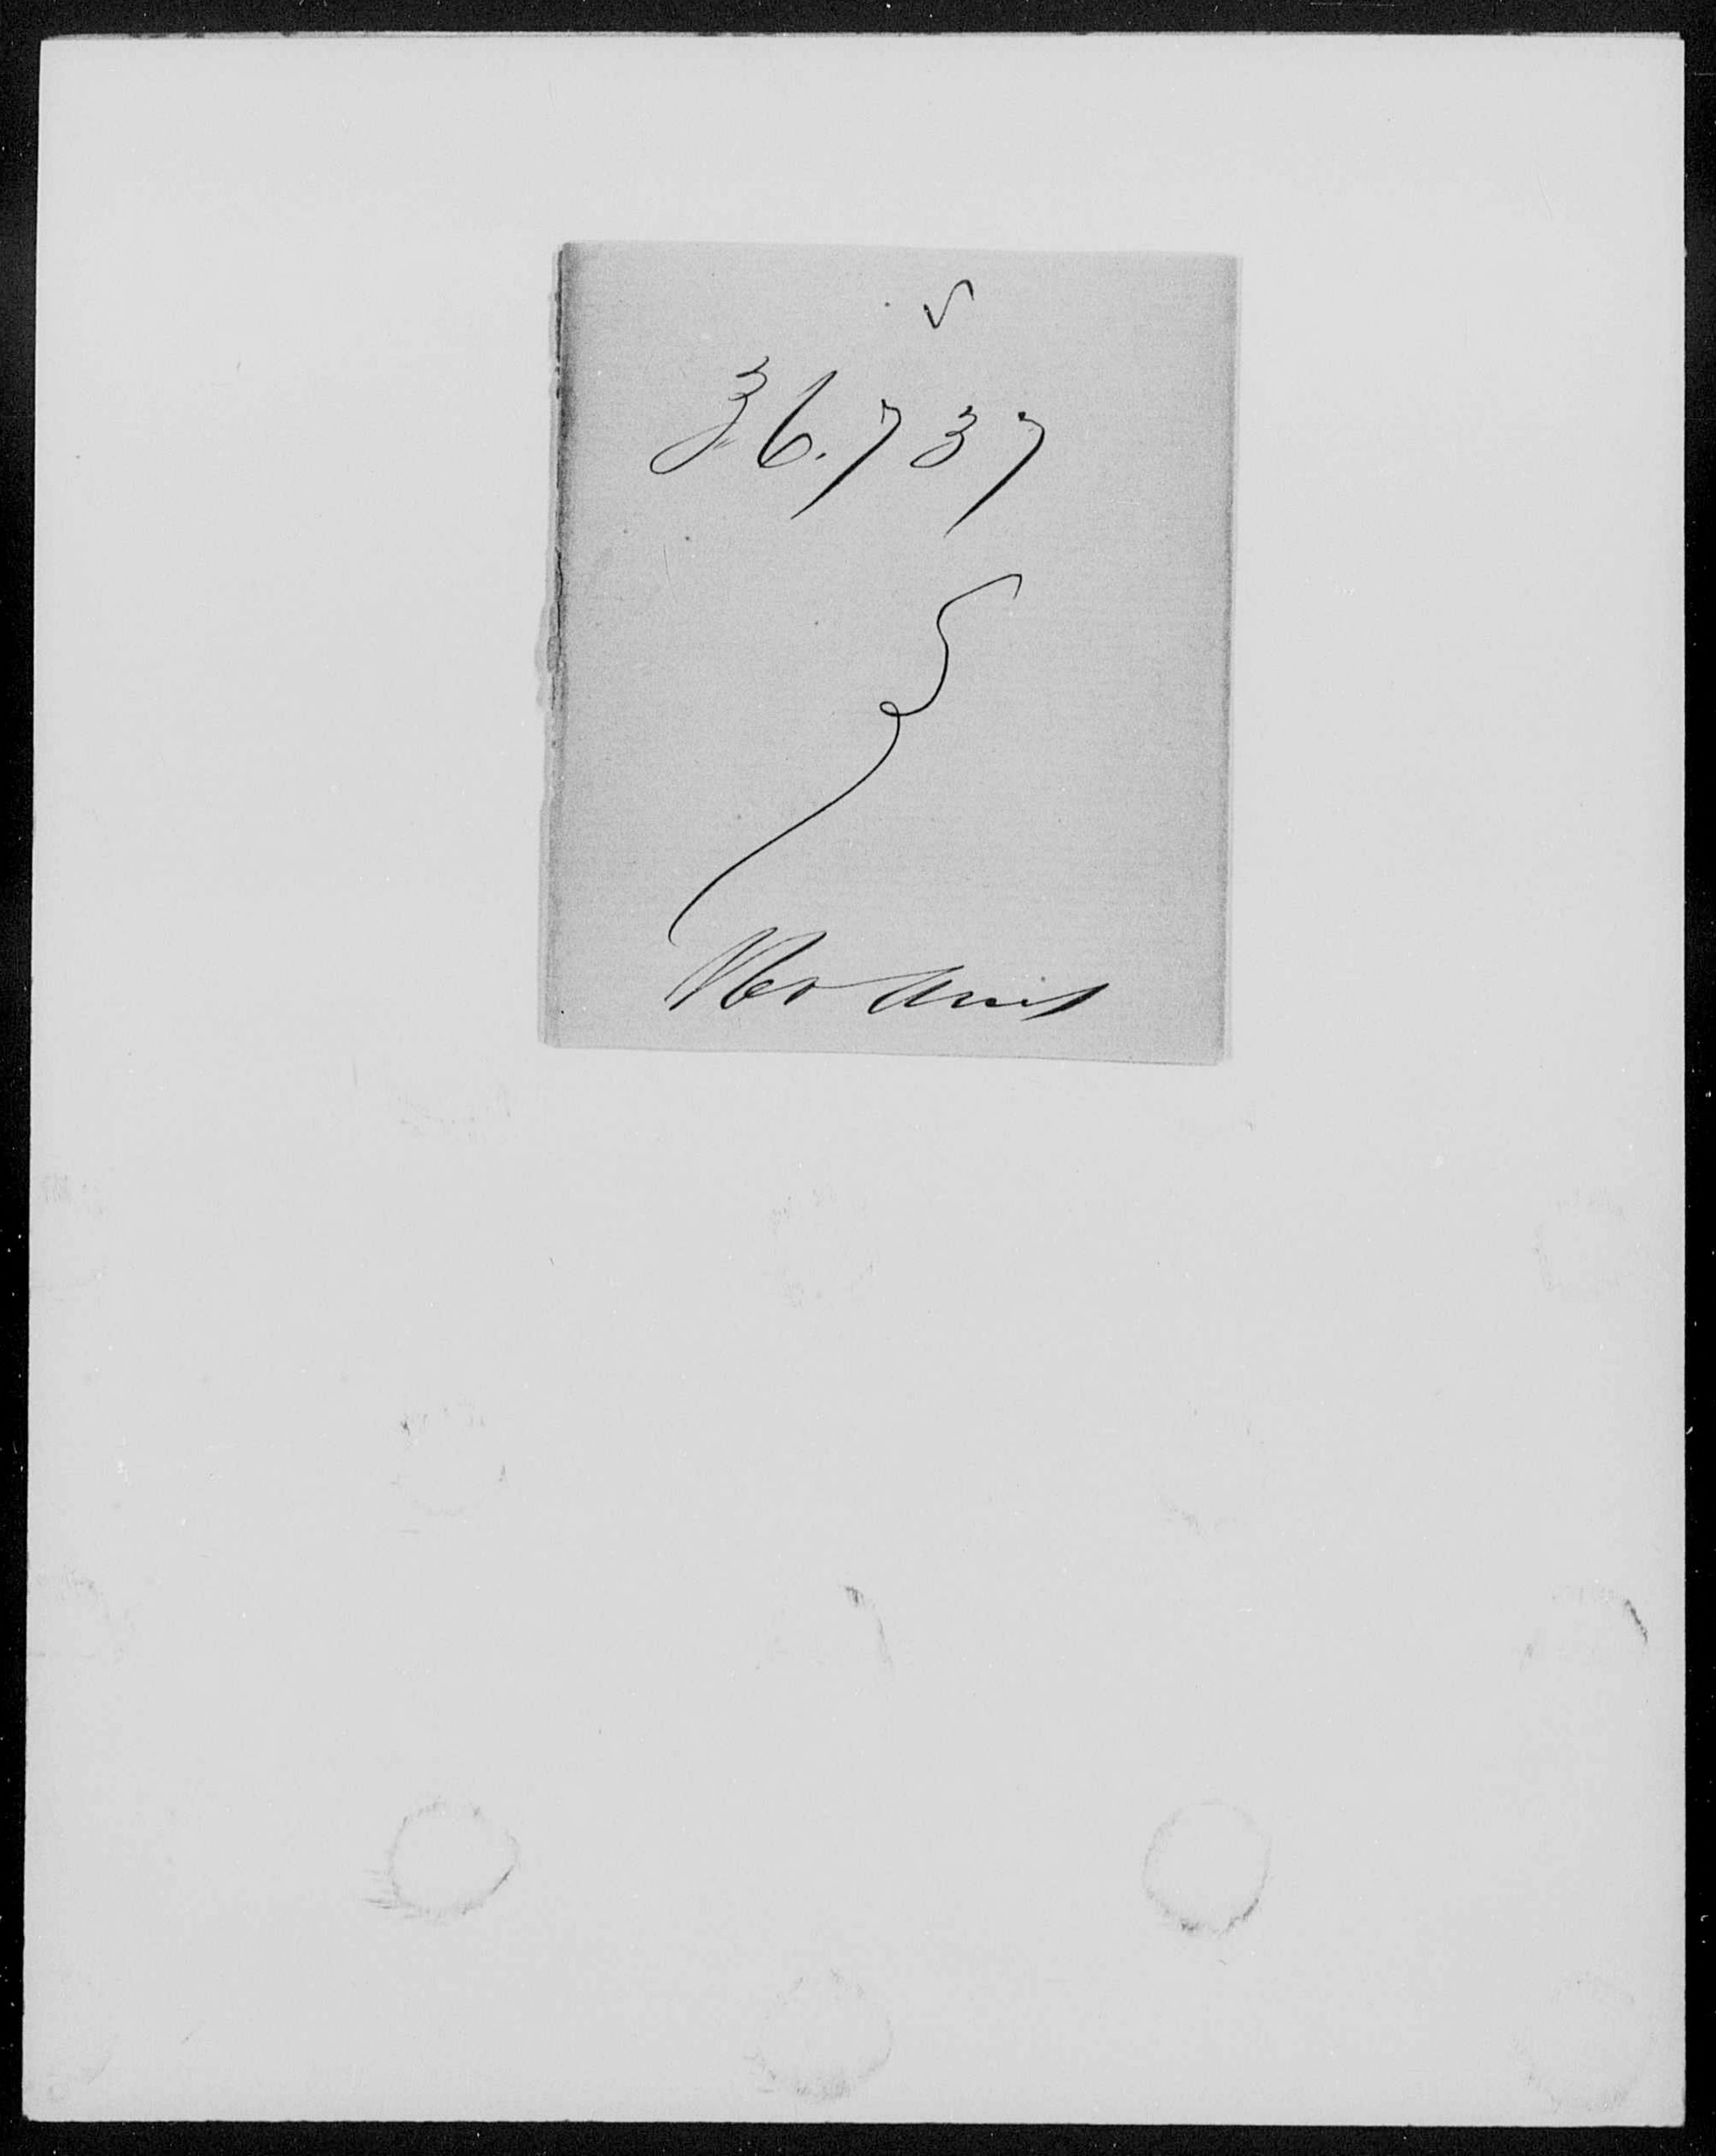S
36.737
(unknown scroll symbol)
Rev Amis (uncertain)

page: 20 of 75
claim: widow's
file: W. 25805, Andrew Hughes, N.C.